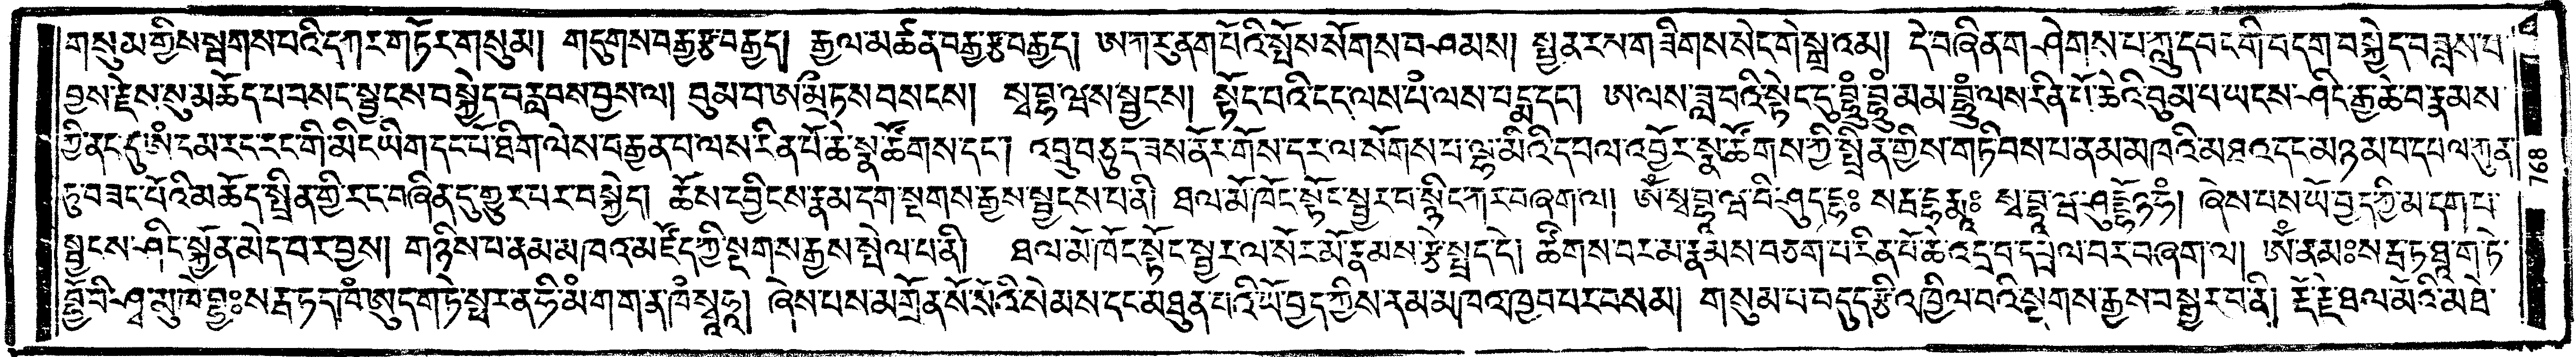གསུམ་གྱིས་སྦགས་པའི་དཀར་གཏོར་གསུམ། གདུགས་བརྒྱ་རྩ་བརྒྱད། རྒྱལ་མཚན་བརྒྱ་རྩ་བརྒྱད། ཨ་ཀ་རུ་ནག་པོའི་སྤོས་སོགས་བཤམས། སྤྱན་རས་གཟིགས་སེང་གེ་སྒྲ་འམ། དེ་བཞིན་གཤེགས་པ་ཀླུ་དབང་གི་བདག་བསྐྱེད་བཟླས་པ་
བྱས་རྗེས་སུ་མཆོད་པ་བསང་སྦྱངས་བསྐྱེད་བརླབས་བྱས་ལ། བུམ་བ་ཨ་མྲྀ་ཏས་བསངས། སྭ་བྷ་ཝས་སྦྱངས། སྟོང་བའི་ངང་ལས་པཾ་ལས་པདམ་དང་། ཨ་ལས་ཟླ་བའི་སྟེང་དུ་བྷྲུཾ་བྷྲུཾ་མམ་བྷྲུཾ་ལས་རིན་པོ་ཆེའི་བུམ་པ་ཡངས་ཤིང་རྒྱ་ཆེ་བ་རྣམས་
ཀྱི་ནང་དུ་ཨཾ་དམ་རང་རང་གི་མིང་ཡིག་དང་པོ་ཐིག་ལེས་བརྒྱན་པ་ལས་རིན་པོ་ཆེ་སྣ་ཚོགས་དང་། འབྲུ་བཅུད་ཟས་ནོར་གོས་དར་ལ་སོགས་པ་ལྷ་མིའི་དཔལ་འབྱོར་སྣ་ཚོགས་ཀྱི་སྤྲིན་གྱིས་གཏིབས་པ་ནམ་མཁའི་མཐའ་དང་མཉམ་པ་དཔལ་ཀུན་
ཏུ་བཟང་པོའི་མཆོད་སྤྲིན་གྱི་རང་བཞིན་དུ་གྱུར་པར་བསྐྱེད། ཆོས་དབྱིངས་རྣམ་དག་སྔགས་རྒྱས་སྦྱངས་པ་ནི། ཐལ་མོ་ཁོང་སྟོང་སྦྱར་བ་སྙིང་ཀར་བཞག་ལ། ཨོཾ་སྭ་ཧཱ་ཝ་བི་ཤུད་དྷཿ སརྦ་དྷ་རྨཱཿ སྭ་བྷཱ་ཝ་ཤུདྡྷོ་ཉ་ཧཾ། ཞེས་པས་ཡོ་བྱད་ཀྱི་མ་དག་པ་
སྦྱངས་ཤིང་སྐྱོན་མེད་པར་བྱས། གཉིས་པ་ནམ་མཁའ་མཛོད་ཀྱི་སྔགས་རྒྱས་སྤེལ་པ་ནི། ཐལ་མོ་ཁོང་སྟོང་སྦྱར་ལ་སོར་མོ་རྣམས་རྩེ་སྤྲད་དེ། ཚིགས་བར་མ་རྣམས་བཅག་པ་རིན་པོ་ཆེ་འདྲ་བ་དཔྲལ་བར་བཞག་ལ། ཨོཾ་ནམཿ སརྦ་ཏ་ཐཱ་གྲ་ཏེ་
བྷྱོ་བི་ཤྭ་མུ་ཁེ་བྷྱཿ སརྦ་ཏད་ཁཾ་ཨུད་ག་ཏེ་སྥར་ན་ཧི་མཾ་ག་ག་ན་ཁཾ་སྭཱ་ཧཱ། ཞེས་པས་མགྲོན་སོ་སོའི་སེམས་དང་མཐུན་པའི་ཡོ་བྱད་ཀྱིས་ནམ་མཁའ་ཁྱབ་པར་བསམ། གསུམ་པ་བདུད་རྩི་འཁྱིལ་བའི་སྔགས་རྒྱས་བསྒྱུར་བ་ནི། རྡོ་རྗེ་ཐལ་མོའི་མཐེ་